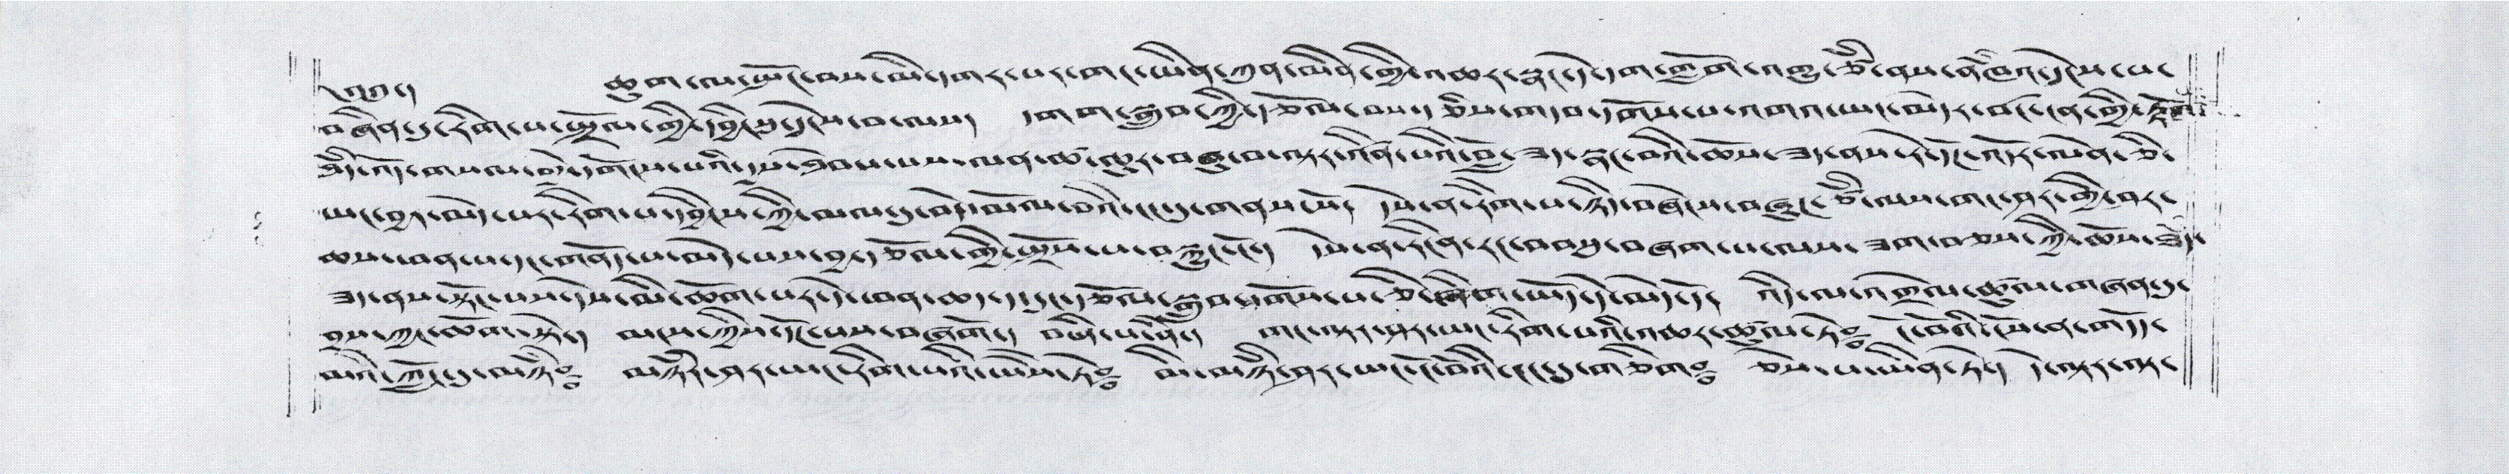ཆུག་ལ་སྤོང་བས་མི་དགར་པར་གང་ཡིན་ཀུན་མིན་གྱི་འཆར་སྣང་གློག་འགྱུ་ཙམ་ནས་ནམ་མཁའ་ལ་དེངས་པ་
བཞིན་དུ་རིག་པ་སྤྲོས་བྲལ་གྱི་དབྱིངས་སུ་དེངས་པ་ལས། དགག་སྒྲུབ་ཀྱི་རྩོལ་བས་རྩིས་གདབ་དགོས་པ་འགའ་ཡང་མེད་པར་བཟང་ངན་གྱི་རྟོག་
པ་ཐམས་ཅད་འོད་གསལ་གྱི་དགོངས་པའི་རྒྱས་ཐེབས་པས་ལན་ཚྭ་ཆུར་བཞུ་བ་ལྟར་འཛིན་པའི་བློ་ཟད་སྣང་བའི་ཆོས་ཟད་ནས་རེ་དྭོགས་འདོར་ལེན་ཅི་
ཡང་བྱར་མེད་པར་རིག་པ་དབྱིངས་ཀྱི་མལ་དུ་བདེ་མོལ་བའི་ངང་དུ་གནས་སོ། དེས་ན་རིག་པ་ཉིད་བཞེངས་བཞུགས་ཙམ་ལས་གང་ཤར་གྱི་ཤར་
ཆས་ཕན་པ་དང་གནོད་པ་མེད་པས་བྱ་རྩོལ་གྱི་སྤྲོས་པ་བསྐྱུང་ངོ་། དེས་ན་རང་བཞིན་རང་བབས་སུ་བཞག་པ་ལས། ཟག་བཅས་ཀྱི་ཆོས་ཐམས་ཅད་
ཟད་ནས་སྟོང་པ་དེས་མི་ཆོག་པར་དེ་ཕན་ཆད་ད་དུང་རྩོལ་སྒྲུབ་དགོས་པ་ཅི་ཞིག་ཡོད་དེ་མེད་དོ། འདི་ལ་འགྲེལ་ཚུལ་གཞན་དུ་
བྱས་ཀྱང་ཆོག་སྟེ། མངས་ཀྱིས་དྭོགས་པས་བཞག་གོ བཞི་པ་ནི། གང་ལྟར་ཤར་ཡང་རིག་པའི་འཆར་ཚུལ་ཏེཿ ངོ་བོའི་ངང་ནས་གདོད་
མའི་ཀློང་དུ་མཉམཿ མཉམ་པར་ཤར་ཡང་རིག་པའི་ཡེ་ཤེས་ཏེཿ མི་མཉམ་ཤར་ཡང་ངོ་བོའི་ངང་དུ་གཅིགཿ ཅེས་པ་ཡིན་ཏེ། དེ་ལྟར་ད་ལྟ་